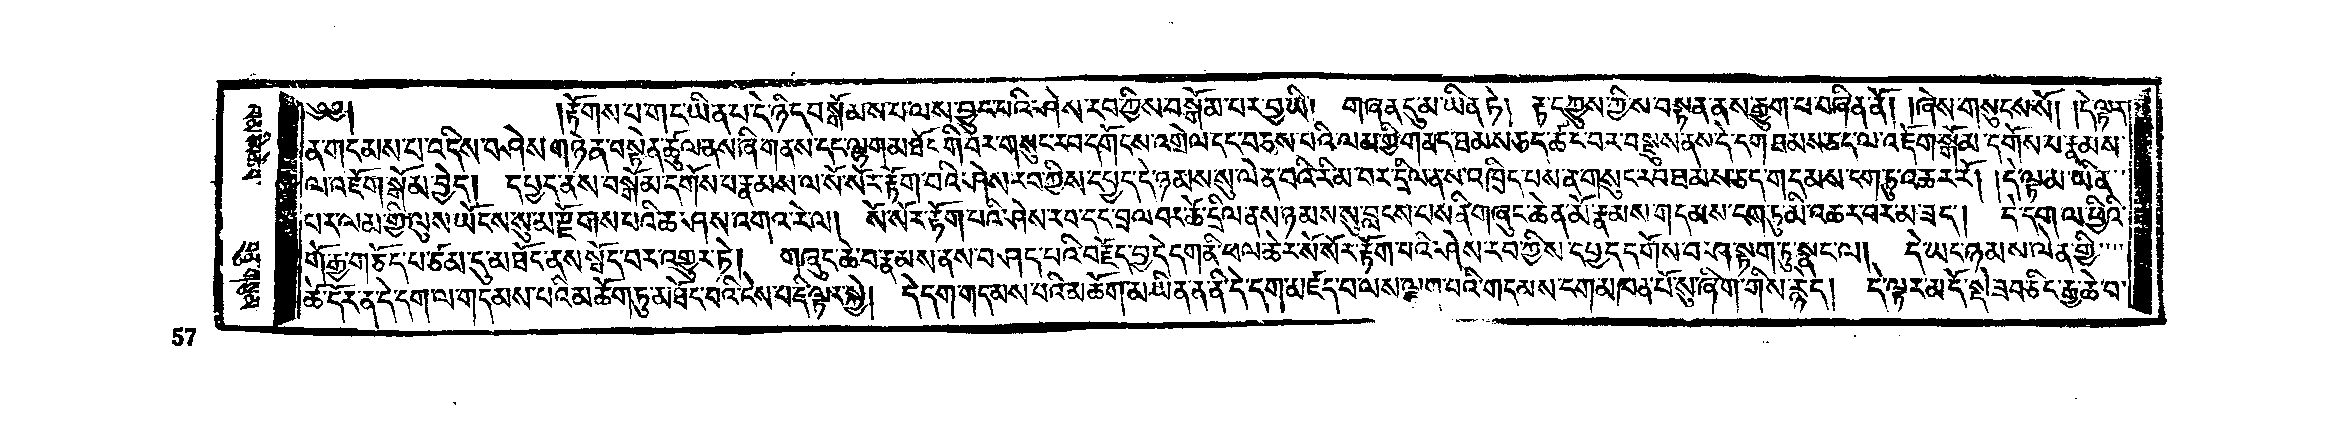༄༅། །རྟོགས་པ་གང་ཡིན་པ་དེ་ཉིད་བསྒོམས་པ་ལས་བྱུང་བའི་ཤེས་རབ་ཀྱིས་བསྒོམ་པར་བྱ་ཡི། གཞན་དུ་མ་ཡིན་ཏེ། རྟ་དཀྱུས་ཀྱི་ས་བསྟན་ནས་རྒྱུག་པ་བཞིན་ནོ། །ཞེས་གསུངས་སོ། །དེ་ལྟར་
ན་གདམས་པ་འདིས་བཤེས་གཉེན་བསྟེན་ཚུལ་ནས་ཞི་གནས་དང་ལྷག་མཐོང་གི་བར་གསུང་རབ་དགོངས་འགྲེལ་དང་བཅས་པའི་ལམ་གྱི་གནད་ཐམས་ཅད་ཚང་བར་བསྡུས་ནས་དེ་དག་ཐམས་ཅད་ལ་འཇོག་སྒོམ་དགོས་པ་རྣམས་
ལ་འཇོག་སྒོམ་བྱེད། དཔྱད་ནས་བསྒོམ་དགོས་པ་རྣམས་ལ་སོ་སོར་རྟོག་པའི་ཤེས་རབ་ཀྱིས་དཔྱད་དེ་ཉམས་སུ་ལེན་པའི་རིམ་པར་དྲིལ་ནས་འཁྲིད་པས་ན་གསུང་རབ་ཐམས་ཅད་གདམས་ངག་ཏུ་འཆར་རོ། །དེ་ལྟ་མ་ཡིན་
པར་ལམ་གྱི་ལུས་ཡོངས་སུ་མ་རྫོགས་པའི་ཆ་ཤས་འགའ་རེ་ལ། སོ་སོར་རྟོག་པའི་ཤེས་རབ་དང་བྲལ་བར་ཚེ་དྲིལ་ནས་ཉམས་སུ་བླངས་པས་ནི་གཞུང་ཆེན་མོ་རྣམས་གདམས་ངག་ཏུ་མི་འཆར་བར་མ་ཟད། དེ་དག་ལ་ཕྱིའི་
གོ་རྒྱ་གཅོད་པ་ཙམ་དུ་མཐོང་ནས་སྤོང་བར་འགྱུར་ཏེ། གཞུང་ཆེ་བ་རྣམས་ནས་བཤད་པའི་བརྗོད་བྱ་དེ་དག་ནི་ཕལ་ཆེར་སོ་སོར་རྟོག་པའི་ཤེས་རབ་ཀྱིས་དཔྱད་དགོས་པ་ཤ་སྟག་ཏུ་སྣང་ལ། དེ་ཡང་ཉམས་ལེན་གྱི་
ཚེ་དོར་ན་དེ་དག་ལ་གདམས་པའི་མཆོག་ཏུ་མཐོང་བའི་ངེས་པ་ཇི་ལྟར་སྐྱེ། དེ་དག་གདམས་པའི་མཆོག་མ་ཡིན་ན་ནི་དེ་དག་མཛད་པ་ལས་ལྷག་པའི་གདམས་ངག་མཁན་པོ་སུ་ཞིག་གིས་རྙེད། དེ་ལྟར་མདོ་སྡེ་ཟབ་ཅིང་རྒྱ་ཆེ་བ་